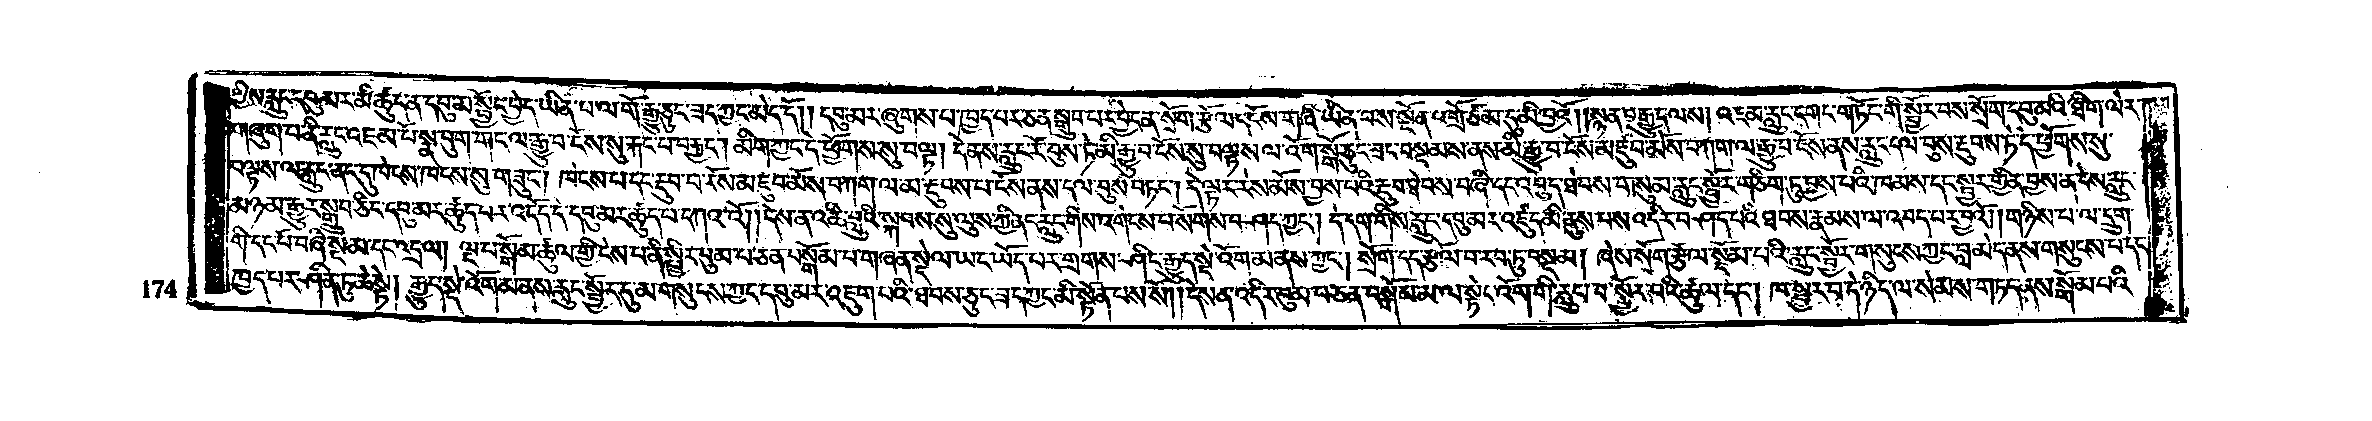གྱིས་རླུང་དབུ་མར་མི་ཚུད་ན་དབུ་མ་སྦྱོང་བྱེད་ཡིན་པ་ལ་གོ་རྒྱུ་ཅུང་ཟད་ཀྱང་མེད་དོ། །དབུ་མར་ཞུགས་པ་ཁྱད་པར་ཅན་སྒྲུབ་པར་བྱེད་ན་སྲོག་རྩོལ་དངོས་གཞི་ཡིན་པས་སྔོན་འགྲོ་ཙམ་དུ་མི་བྱའོ། །སྙན་བརྒྱུད་ལས། འཇམ་རླུང་དགང་གཏོང་གི་སྦྱོར་བས་སྲོག་དབུ་མའི་ཐིག་ལེར་
གཞུག་པ་ནི་རླུང་འཇམ་པོ་སྣ་བུག་གང་ལ་རྒྱུ་བ་ངོས་སུ་རྐང་པ་བརྐྱང་། མིག་ཀྱང་དེ་ཕྱོགས་སུ་བལྟ། དེ་ནས་རླུང་རོ་བུས་ཏེ་མི་རྒྱུ་བ་ངོས་སུ་བལྟས་ལ་འོག་སྒོ་ཅུང་ཟད་བསྡམས་ནས་མི་རྒྱུ་བ་ངོས་མཛུབ་མོས་བཀག་ལ་རྒྱུ་བ་ངོས་ནས་རླུང་དལ་བུས་རྡུབས་ཏེ་དེ་ཕྱོགས་སུ་
བལྟས་ལ་རླུང་ནང་དུ་ཁེངས་ཁེངས་སུ་གཟུང་། ཁེངས་པ་དང་རྡུབ་བ་རོས་མཛུབ་མོས་བཀག་ལ་མ་རྡུབས་པ་ངོས་ནས་དལ་བུས་བཏང་། དེ་ལྟར་རེས་མོས་བྱས་པའི་རྡུབ་ཐེབས་བཞི་དང་འབུད་ཐེབས་གསུམ་རླུང་སྦྱོར་གཅིག་ཏུ་བྱས་པའི་ཁམས་དང་སྦྱར་གྱིན་བྱས་ན་ངེས་རླུང་
མཉམ་རྒྱུར་སྒྲུབ་ཅིང་དབུ་མར་ཚུད་པར་འདོད་དེ་དབུ་མར་ཚུད་པ་དཀའ་འོ། །དེས་ན་འཆི་བླུའི་སྐབས་སུ་ལུས་ཀྱི་ནང་རླུང་གིས་འགེངས་པ་སོགས་བཤད་ཀྱང་། དེ་དག་གིས་རླུང་དབུ་མར་འཛུད་མི་ནུས་པས་འདིར་བཤད་པའི་ཐབས་རྣམས་ལ་འབད་པར་བྱའོ། །གཉིས་པ་ལ་དྲུག་
གི་དང་པོ་བཞི་སྔ་མ་དང་འདྲ་ལ། ལྔ་པ་སྒོམ་ཚུལ་གྱི་ངེས་པ་ནི་སྤྱིར་བུམ་པ་ཅན་བསྒོམ་པ་གཞན་སྡེ་ལ་ཡང་ཡོད་པར་གྲགས་ཤིང་རྒྱུད་སྡེ་འོག་མ་ནས་ཀྱང་། སྲོག་དང་རྩོལ་བ་རབ་ཏུ་བསྡམ། ཞེས་སྲོག་རྩོལ་སྡོམ་པའི་རླུང་སྦྱོར་གསུངས་ཀྱང་བླ་མེད་ནས་གསུངས་པ་དང་
ཁྱད་པར་ཤིན་ཏུ་ཆེ་སྟེ། རྒྱུད་སྡེ་འོག་མ་ནས་རླུང་སྦྱོར་དུ་མ་གསུངས་ཀྱང་དབུ་མར་འཇུག་པའི་ཐབས་ཅུང་ཟད་ཀྱང་མི་སྟོན་པས་སོ། །དེས་ན་འདིར་བུམ་པ་ཅན་བསྒོམ་མ་ལ་སྟེང་འོག་གི་རླུང་བ་སྦྱོར་བའི་ཚུལ་དང་། ཁ་སྦྱར་བ་དེ་ཉིད་ལ་སེམས་གཏད་ནས་སྒོམ་པའི་